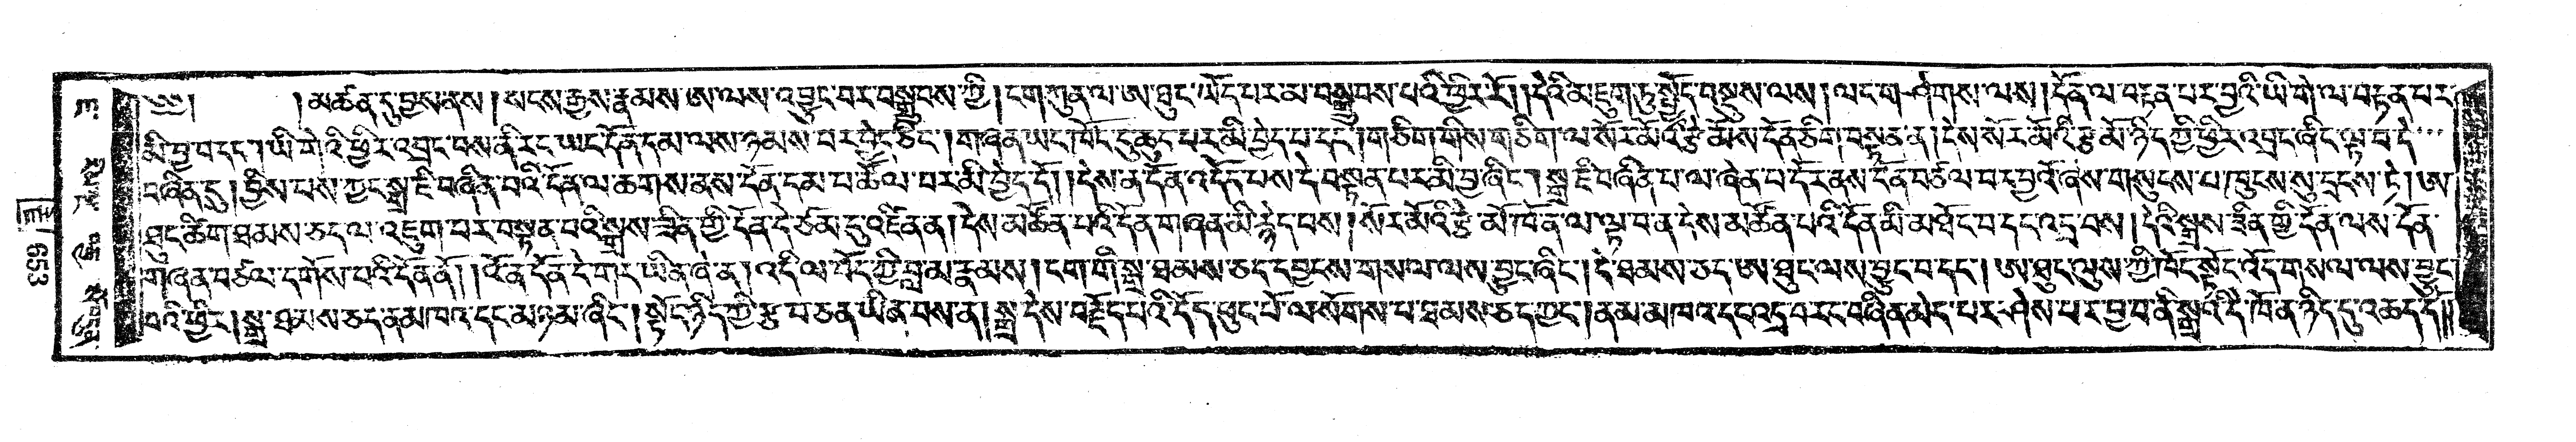༄༅། །མཚན་དུ་བྱས་ནས། སངས་རྒྱས་རྣམས་ཨ་ལས་འབྱུང་བར་བསྒྲུབས་ཀྱི། ངག་ཀུན་ལ་ཨ་ཐུང་ཡོད་པར་མ་བསྒྲུབས་པའི་ཕྱིར་རོ། །དེའི་མཇུག་ཏུ་སྤྱོད་བསྡུས་ལས། ལང་གཤེགས་ལས། དོན་ལ་བརྟན་པར་བྱའི་ཡི་གེ་ལ་བརྟན་པར་
མི་བྱ་བ་དང་། ཡི་གེའི་ཕྱིར་འབྲང་བས་ནི་རང་ཡང་དོན་དམ་ལས་ཉམས་པར་བྱེད་ཅིང་། གཞན་ཡང་ཁོང་དུ་ཆུད་པར་མི་བྱེད་པ་དང་། གཅིག་གིས་གཅིག་ལ་སོར་མོའི་རྩེ་མོས་དོན་ཅིག་བསྟན་ན། དེས་སོར་མོའི་རྩེ་མོ་ཉིད་ཀྱི་ཕྱིར་འབྲང་ཞིང་ལྟ་བ་དེ་
བཞིན་དུ། བྱིས་པས་ཀྱང་སྒྲ་ཇི་བཞིན་པའི་དོན་ལ་ཆགས་ནས་དོན་དམ་པ་ཚོལ་བར་མི་བྱེད་དོ། །དེས་ན་དོན་འདོད་པས་དེ་བསྟན་པར་མི་བྱ་ཞིང་། སྒྲ་ཇི་བཞིན་པ་ལ་ཞེན་པ་དོར་ནས་དོན་བཙལ་བར་བྱའོ་ཞེས་གསུངས་པ་ཁུངས་སུ་དྲངས་ཏེ། ཨ་
ཐུང་ཚིག་ཐམས་ཅད་ལ་འཇུག་པར་བསྟན་པའི་སྒྲས་ཟིན་གྱི་དོན་དེ་ཙམ་དུ་འཛིན་ན། དེས་མཚོན་པའི་དོན་གཞན་མི་རྙེད་པས། སོར་མོའི་རྩེ་མོ་ཁོ་ན་ལ་ལྟ་བ་ན་དེས་མཚོན་པའི་དོན་མི་མཐོང་བ་དང་འདྲ་བས། དེའི་སྒྲས་ཟིན་གྱི་དོན་ལས་དོན་
གཞན་བཙལ་དགོས་པའི་དོན་ནོ། །འོ་ན་དོན་དེ་གང་ཡིན་ཞེ་ན། འདི་ལ་བོད་ཀྱི་བླ་མ་རྣམས། ངག་གི་སྒྲ་ཐམས་ཅད་དབྱངས་གསལ་ལས་བྱུང་ཞིང་། དེ་ཐམས་ཅད་ཨ་ཐུང་ལས་བྱུང་བ་དང་། ཨ་ཐུང་ལུས་ཀྱི་ཁོང་སྟོང་འོད་གསལ་ལས་བྱུང་
བའི་ཕྱིར། སྒྲ་ཐམས་ཅད་ནམ་མཁའ་དང་མཉམ་ཞིང་། སྟོང་ཉིད་ཀྱི་རྩ་བ་ཅན་ཡིན་པས་ན། སྒྲ་དེས་བརྗོད་པའི་དོན་ཕུང་པོ་ལ་སོགས་པ་ཐམས་ཅད་ཀྱང་། ནམ་མཁའ་དང་འདྲ་བ་རང་བཞིན་མེད་པར་ཤེས་པར་བྱ་བ་ནི་སྒྲའི་དེ་ཁོ་ན་ཉིད་དུ་འཆད་དོ། །